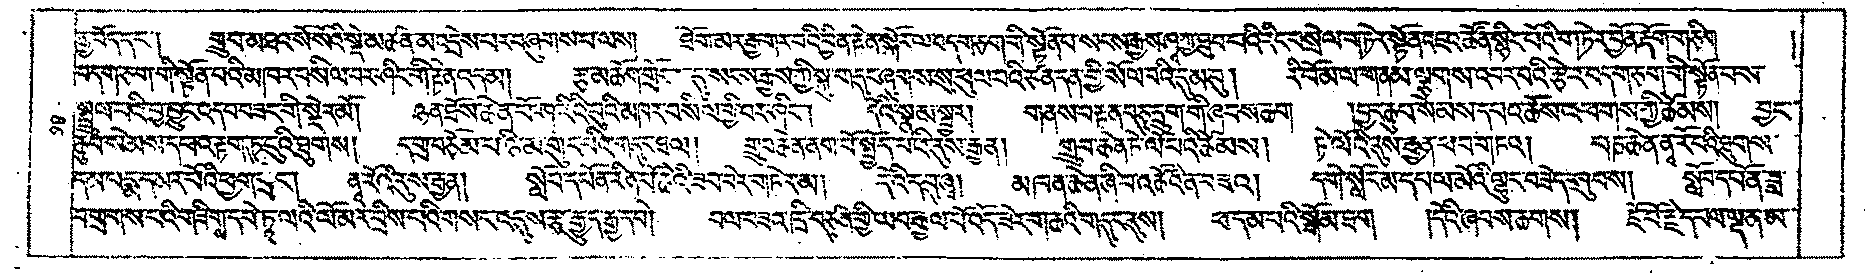རྒྱ་བོད་དང་། གྲུབ་མཐའ་སོ་སོའི་སྡེ་མཚན་མ་འདྲེས་པར་བཞུགས་པ་ལས། ཐོག་མར་རྒྱ་གར་བའི་བྱིན་རྟེན་སྐོར་ལ་བདག་ཅག་གི་སྟོན་པ་སངས་རྒྱས་ཤཱ་ཀྱ་ཐུབ་པའི་རིང་བསྲེལ་གཏེར་སྟོན་འཇའ་ཚོན་སྙིང་པོའི་གཏེར་བྱོན་རྡོག་གཅིག །
བདག་ཅག་གི་སྟོན་པའི་མཁར་བསིལ་བར་ཤིང་གི་རྟེན་འདམ། རྩ་མཆོག་གྲོང་དུ་སངས་རྒྱས་ཀྱི་སྐུ་གདུང་ཞུགས་སུ་ཕུལ་བའི་ཙན་དན་གྱི་སོལ་བའི་དུམ་བུ། རི་བོ་མ་ལ་གནམ་ལྕགས་འབར་བའི་རྩེར་བདག་ཅག་གི་སྟོན་པས་
སྤྲུལ་པའི་བྱ་ཁྱུང་འདབ་བཟང་གི་སྡེར་མོ། ཉན་ཐོས་ཆེན་པོ་ཤཱ་རིའི་བུའི་མཁར་བསིལ་གྱི་བར་ཤིང་། དེའི་སྣམ་སྦྱར། གནས་བརྟན་བཅུ་དྲུག་གི་ཞབས་ཆག །བྱང་ཆུབ་སེམས་དཔའ་ཆོས་འཕགས་ཀྱི་ཚེམས། བྱང་
ཆུབ་སེམས་དཔའ་རྟག་ཏུ་ངུའི་ཐུགས། དགྲ་བཅོམ་པ་ཉི་མ་གུང་པའི་གདུང་ཐལ། གྲུབ་ཆེན་ནག་པོ་སྤྱོད་པའི་རུས་རྒྱན། གྲུབ་ཆེན་ཏེ་ལོ་པའི་ཚེམས། ཏེ་ལོའི་རུས་རྒྱན་ཕབ་གཏའ། པཎ་ཆེན་ནཱ་རོ་བའི་ཐུགས་
དམ་པདམ་དམར་པོའི་ཕྱག་ཕྲེང་། ནཱ་རོའི་རུས་རྒྱན། སློབ་དཔོན་རིན་པོ་ཆེའི་ཟབ་བེར་གཏེར་མ། དེའི་དབུ་ཞྭ། མཁན་ཆེན་ཞི་བ་འཚོའི་ན་བཟའ། དགེ་སློང་མ་དཔལ་མོའི་ལྷུང་བཟེད་ཤུབས། སློབ་དཔོན་ཟླ་
བ་གྲགས་པའི་གཟིགས་དཔེ་ཏཱ་ལའི་ལོ་མར་བྲིས་པའི་གསང་འདུས་རྩ་རྒྱུད་རྒྱ་དཔེ། བལ་བཟའ་ཁྲི་བཙུན་གྱི་ཡབ་རྒྱལ་པོ་འོད་ཟེར་ག་ཆའི་གདུང་རུས། ཕ་དམ་པའི་སྒོམ་ཐག །དེའི་ཞབས་ཆགས། ཇོ་བོ་རྗེ་དཔལ་ལྡན་ཨ་